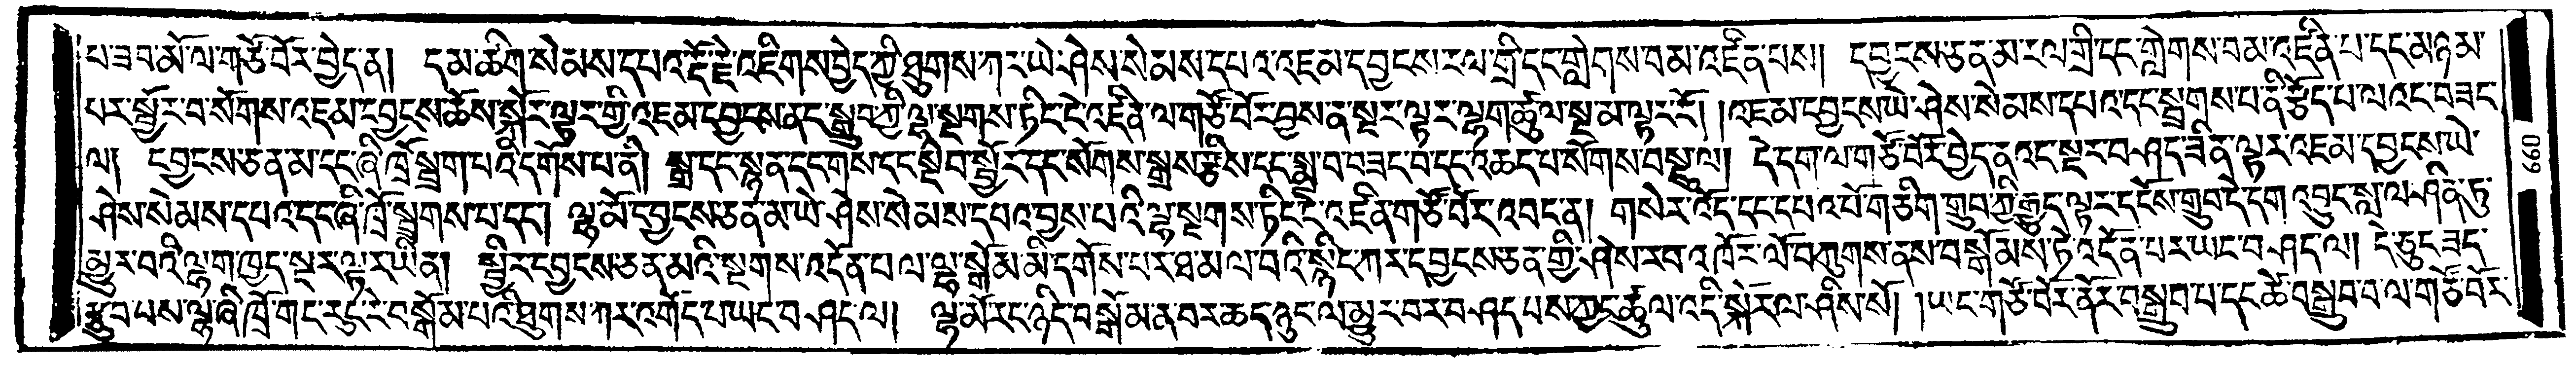པ་ཟབ་མོ་ལ་གཙོ་བོར་བྱེད་ན། དམ་ཚིག་སེམས་དཔའ་རྡོ་རྗེ་འཇིགས་བྱེད་ཀྱི་ཐུགས་ཀར་ཡེ་ཤེས་སེམས་དཔའ་འཇམ་དབྱངས་རལ་གྲི་དང་གླེགས་བམ་འཛིན་པས། དབྱངས་ཅན་མ་རལ་གྲི་དང་གླེགས་བམ་འཛིན་པ་དང་མཉམ་
པར་སྦྱོར་བ་སོགས་འཇམ་དབྱངས་ཆོས་སྐོར་ལྟར་གྱི་འཇམ་དབྱངས་ནང་སྒྲུབ་ཀྱི་ལྷ་སྔགས་ཏིང་ངེ་འཛིན་ལ་གཙོ་བོར་བྱས་ན་སྔར་ལྟར་ལྷག་ཚུལ་སྔ་མ་ལྟར་རོ། །འཇམ་དབྱངས་ཡེ་ཤེས་སེམས་དཔའ་དང་སྦྲགས་པ་ནི་རྩོད་པ་ལའང་བཟང་
ལ༑ དབྱངས་ཅན་མ་དང་ཞི་ཁྲོ་སྦྲག་པའི་དགོས་པ་ནི། སྒྲ་དང་སྙན་དངགས་དང་སྡེབ་སྦྱོར་དང་སོགས་སྒྲས་རྩིས་དང་སྨྲ་བ་བཟང་བ་དང་འཆད་པ་སོགས་བསྡུ་ལ། དེ་དག་ལ་གཙོ་བོར་བྱེད་ནའང་སྔར་བཤད་ཟིན་ལྟར་འཇམ་དབྱངས་ཡེ་
ཤེས་སེམས་དཔའ་དང་ཞི་ཁྲོ་སྦྲགས་པ་དང་། ལྷ་མོ་དབྱངས་ཅན་མ་ཡེ་ཤེས་སེམས་དཔའ་བྱས་པའི་ལྷ་སྔགས་ཏིང་ངེ་འཛིན་གཙོ་བོར་འབད་ན། གསེར་འོད་དང་དཔའ་བོ་གཅིག་གྲུབ་ཀྱི་རྒྱུད་ལྟར་དངོས་གྲུབ་དེ་དག་འབྱུང་སླ་ལ་ཤིན་ཏུ་
མྱུར་བའི་ལྷག་ཁྱད་སྔར་ལྟར་ཡིན། སྦྱིར་དབྱངས་ཅན་མའི་སྔགས་འདོན་པ་ལ་ལྷ་སྒོམ་མི་དགོས་པར་ཐ་མལ་བའི་སྙིང་ཀར་དབྱངས་ཅན་གྱི་ཤེས་རབ་འཁོར་ལོ་བཀུགས་ནས་བསྒོམས་ཏེ་འདོན་པར་ཡང་བཤད་ལ། དེ་ཅུང་ཟད་
རྩུབ་པས་ལྷ་ཞི་ཁྲོ་གང་རུང་རེ་བསྒོམ་པའི་ཐུགས་ཀར་འགོད་པ་ཡང་བཤད་ལ། ལྷ་མོ་རང་ཉིད་བསྒོམ་ན་བར་ཆད་ཉུང་ལ་མྱུར་བར་བཤད་པས་ཀྱང་ཚུལ་འདི་སྐོར་ལ་ཤིས་སོ། །ཡང་གཙོ་བོར་ནོར་བསྒྲུབ་པ་དང་ཚེ་བསྒྲུབ་པ་ལ་གཙོ་བོར་